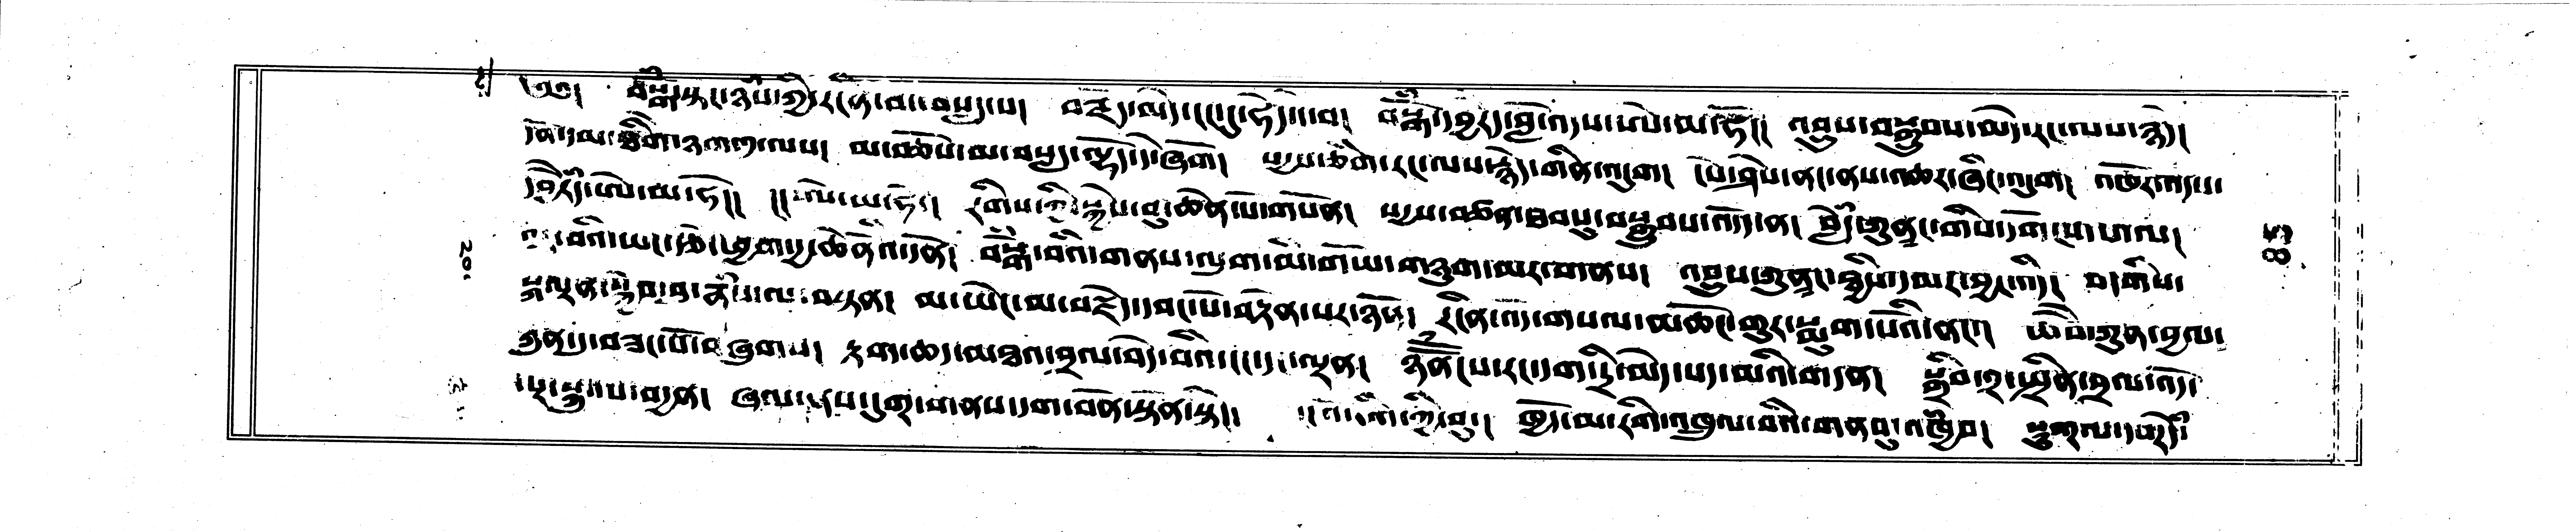བསྒོམ་སྟོང་ཉམས་ཀྱི་རང་བཞིན་མ་བསླད་པ། བརྗོད་མེད་ངང་དུ་ཧད་དེ་བ། བསྒོམ་དབྱེར་མེད་བློ་འདས་ཨེ་མ་ཧོ། འབྲས་བུ་བསྒྲུབ་མེད་རང་ལས་རྙེད། 
དོན་དམ་ཐིག་ལེ་ཉག་གཅིག་ལས། མ་བཅོས་མ་བསླད་ལྷོད་དེ་ཞོག །སངས་རྒྱས་ཅིག་རང་ལས་རྙེད་གིན་འདུག ངེས་ཤེས་ནང་ནས་འཆར་ཞིང་འདུག འཁོར་འདས་
དབྱེར་མེད་ཨེ་མ་ཧོ། །ཨེ་མ་ཧོ་རིགས་ཀྱི་སྐྱེས་བུ་ཆེན་པོ་གསོན། སངས་རྒྱས་བཙན་ཐབས་སུ་བསྒྲུབ་འདོད་ན། བླ་མེད་ཀུན་བཟང་གི་དགོངས་པ་ལ། 
ལྟ་བའི་ཡང་རྩེ་ཕྱག་རྒྱ་ཆེན་པོའི་དོན། བསྒོམ་པའི་གནས་ལུགས་མི་གཡོ་གཉུག་མར་གནས། འབྲས་བུ་ཀུན་བཟང་ཐུགས་ཀྱི་དམར་བྱང་འདི། བདག་གིས་
སྐལ་ལྡན་སྐྱེས་བུ་རྣམས་ལ་བསྟན། མ་ཡེངས་མ་བརྗེད་དབང་པོ་བརྟན་པར་ཉོན། རང་བཞིན་འོད་གསལ་མཆོང་གུར་སྨུག་པོའི་ནང་། ཡེ་ཤེས་ཀུན་གསལ་
ཀུན་ཏུ་བཟང་པོ་བཞུགས། རྟག་ཆད་མཐའ་བྲལ་བདེ་བའི་ངང་དང་ལྡན། ཉོན་མོངས་རང་དག་དྲི་མེད་པདྨའི་གདན། སྒྲིབ་གཉིས་སྤྲིན་བྲལ་འོད་
ལྔ་སྐུ་ལ་བརྒྱན། ཞལ་ནས་དུག་ལྔ་གནས་དག་བོན་སྟོན་ཏེ། འོ་རིགས་ཀྱི་བུ། ཁྱོད་མ་རིག་འཁྲུལ་པའི་གནས་སུ་འཁྱམས། སྡུག་བསྔལ་དཔག་མེད་